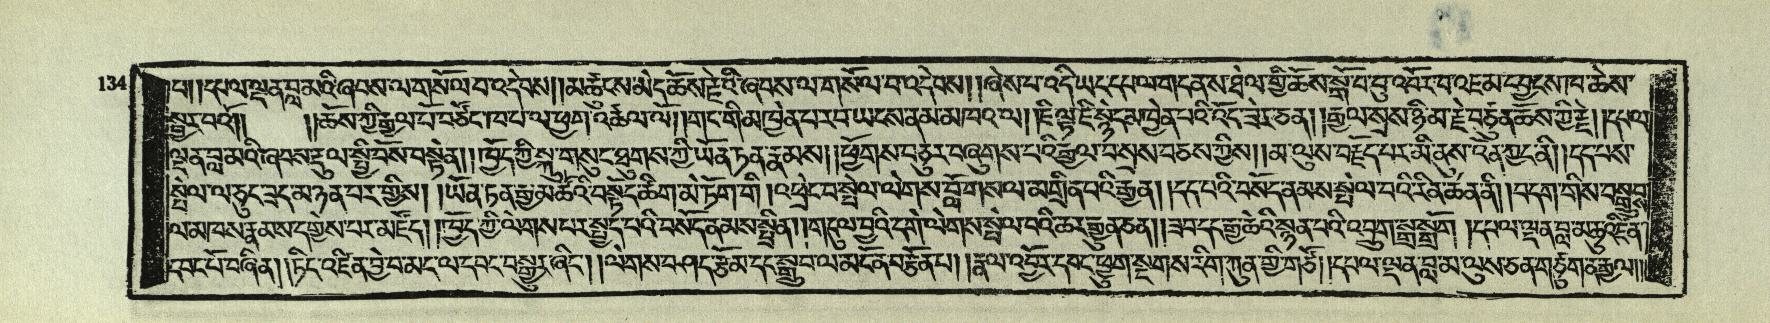པ། །དཔལ་ལྡན་བླ་མའི་ཞབས་ལ་གསོལ་བ་འདེབས། །མཚུངས་མེད་ཆོས་རྗེའི་ཞབས་ལ་གསོལ་བ་འདེབས། །ཞེས་པ་འདི་ཡང་དཔལ་གདན་ས་ཐེལ་གྱི་ཆོས་སྒོ་བ་བུ་འབོར་བ་འཇམ་དབྱངས་ཁ་ཆེས་
སྦྱར་བའོ།། །།ཆོས་ཀྱི་རྒྱལ་པོ་བཙོང་ཁ་པ་ལ་ཕྱག་འཚལ་ལོ། །གང་གི་མཁྱེན་པ་རབ་ཡངས་ནམ་མཁའ་ལ། །ཇི་ལྟ་ཇི་སྙེད་མཁྱེན་པའི་འོད་ཟེར་ཅན། །རྒྱལ་སྲས་ཉི་མ་རྗེ་བཙུན་ཆོས་ཀྱི་རྗེ། །དཔལ་
ལྡན་བླ་མའི་ཞབས་རྡུལ་སྤྱི་བོས་བསྟེན། །ཁྱོད་ཀྱི་སྐུ་གསུང་ཐུགས་ཀྱི་ཡོན་ཏན་རྣམས། །ཕྱོགས་བཅུར་བཞུགས་པའི་རྒྱལ་བསྲས་བཅས་ཀྱིས། །མ་ལུས་བརྗོད་པར་མི་ནུས་འོན་ཀྱང་ནི། །དད་པས་
སྤེལ་ལ་ཅུང་ཟད་མཉན་པར་གྱིས། །ཡོན་ཏན་རྒྱ་མཚོའི་བསྟོད་ཚིག་མེ་ཏོག་གི །འཕྲེང་བ་སྤེལ་ལེགས་བློ་གསལ་མགྲིན་པའི་རྒྱན། །དད་པའི་བསོད་ནམས་སྤེལ་བའི་རིན་ཆེན་ནི། །བདག་གིས་བསྒྲུབས་
ལ་མཁས་རྣམས་དགྱེས་པར་མཛོད། །ཁྱོད་ཀྱི་ལེགས་པར་སྤྱད་པའི་བསོད་ནམས་སྤྲིན། །གདུལ་བྱའི་དགེ་ལེགས་སྤེལ་བའི་ཆར་རྒྱུན་ཅན། །ཟབ་དང་རྒྱ་ཆེའི་སྙན་པའི་འབྲུག་སྒྲ་སྒྲོག །དཔལ་ལྡན་བླ་མ་ཆུ་འཛིན་
དབང་པོ་བཞིན། །ཏིང་འཛིན་བྱེ་བ་མང་ལ་དབང་བསྒྱུར་ཞིང་། །ལེགས་བཤད་རྩོམ་དང་སྒྲུབ་ལ་མངོན་བརྩོན་པ། །རྣལ་འབྱོར་དབང་ཕྱུག་སྔགས་རིག་ཀུན་གྱི་གཙོ། །དཔལ་ལྡན་བླ་མ་ལུས་ཅན་གཙུག་ན་རྒྱལ།།